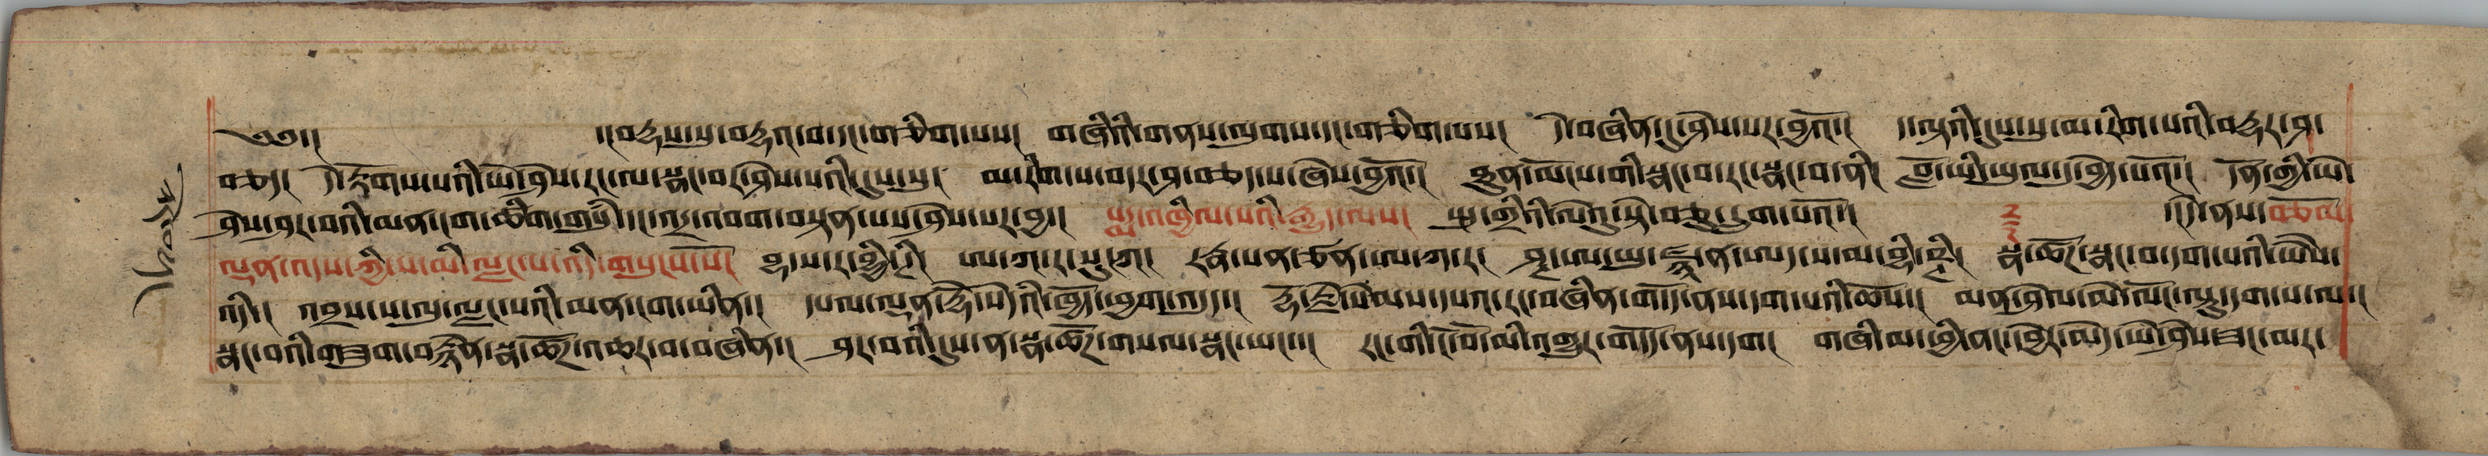༄༅་། ་།བརྡས་སུ་བརྡའ་བ་དང་གཅིག་པས། གཞིའི་གནས་ལུགས་དང་གཅིག་པས། དེ་བཞིན་དུ་ཤེས་པར་བྱའོ་། ད་ལྟའི་དུས་སུ་མ་རིག་པའི་བརྡར་ཤ་
བཅད། དེ་རྟོགས་པའི་ཡེ་ཤེས་རང་ལ་སྣང་བར་ཤེས་པའི་དུས་སུ། མ་རིག་པ་བདར་ཤ་བཅད་པ་ཞེས་བྱའོ་། ཐུན་མོངས་གི་སྣང་བ་རང་སྣང་བ་ནི། བློ་ཡི་ཡུལ་དུ་བྱེད་པའོ་། དོན་གྱི་ཡེ་
ཤེས་ཤར་བའི་མན་ངག་ཚིག་གསུཾ་དང་འདྲ་འབག་བསྟན་པས་ཤེས་པར་བྱ་། པདྨ་འཁྱིལ་པའི་རྒྱུད་ལས། སྤུ་གྲིའི་ལེའུ་སྟེ་བཅུ་དྲུག་པའོ་། ༈ ་།དེ་ནས་བཅོམ
ལྡན་འདས་ཀྱི་ས་མི་ལྗང་པ་འདི་གསུངས་སོ། བྷ་ས་ར་བྷྱི་ཊི། ཨ་ཀ་ར་སུ་ཀ། རརྣ་སན་ཙན་ཨ་ཀ་ར། ཤྚ་ཨ་ཡུ་ཛྙཱ་ན་ཨད་ས་མ་བྷི་ཥྚི། སྣ་ཚོཌ་སྣང་བ་དག་པའི་ཡཻས་
འདི་། འབྲས་ས་ལུ་ལྗང་པའི་མན་ངག་ཡིན་། དཔལ་ལྡན་རྡོེ་སེཾདའ་ཁྱོད་ཕྱག་འདུད་། རྡོ་རྗེ་སེམས་དཔའ་རང་བཞིན་གདོད་ནས་དག་པའི་ཆོས་། མན་ཤེལ་མེ་ལོང་ལྟུ་དག་པ་ལ།
སྣང་བའི་གཟུག་བརྙེན་སྣ་ཚོཌ་འཆར་བ་བཞིན་། ཤར་བའི་དུས་ན་སྣ་ཚོཌ་གསལ་སྣང་ཡང་་། རང་གི་ངོ་བོ་མི་འགྱུར་གདོད་ནས་དག། གཞི་མ་ཕྱི་ནང་དབྱེར་མེད་ཡེ་ཤེས་ཟང་མར་